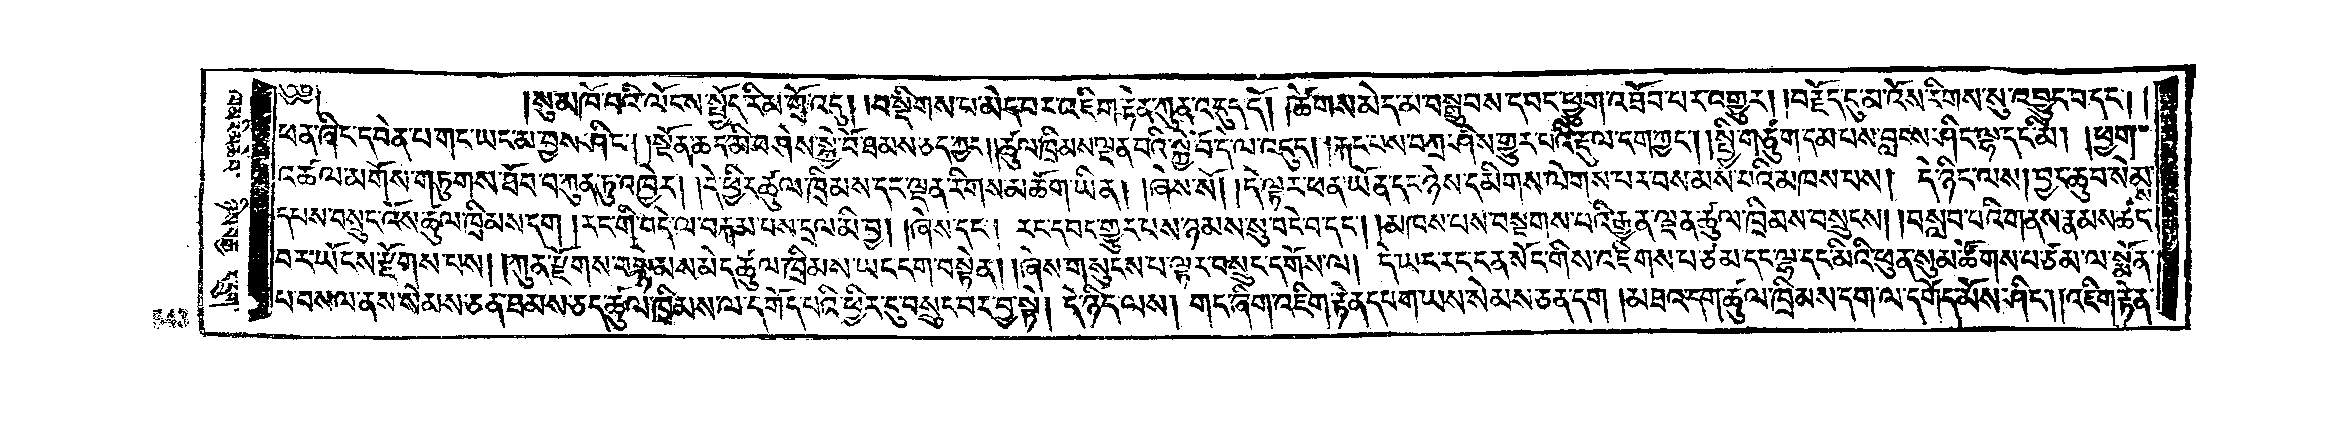༄༅། །སུ་མཁོ་བའི་ལོངས་སྤྱོད་རིམ་གྲོ་འདུ། །བསྡིགས་པ་མེད་པར་འཇིག་རྟེན་ཀུན་འདུད་དེ། །ཚེགས་མེད་མ་བསྒྲུབས་དབང་ཕྱུག་འཐོབ་པར་འགྱུར། །བརྗོད་དུ་མ་འོས་རིགས་སུ་འབྱུང་བ་དང་། །
ཕན་ཞིང་དབེན་པ་གང་ཡང་མ་བྱས་ཤིང་། །སྔོན་ཆད་མི་བཤེས་སྐྱེ་བོ་ཐམས་ཅད་ཀྱང་། །ཚུལ་ཁྲིམས་ལྡན་པའི་སྐྱེ་བོ་དེ་ལ་འདུད། །རྐང་པས་བཀྲ་ཤིས་གྱུར་པའི་རྡུལ་དག་ཀྱང་། །སྤྱི་གཙུག་དམ་པས་བླངས་ཤིང་ལྷ་དང་མི། །ཕྱག་
འཚལ་མགོས་གཏུགས་ཐོབ་པ་ཀུན་ཏུ་འཁྱེར། །དེ་ཕྱིར་ཚུལ་ཁྲིམས་དང་ལྡན་རིགས་མཆོག་ཡིན། །ཞེས་སོ། །དེ་ལྟར་ཕན་ཡོན་དང་ཉེས་དམིགས་ལེགས་པར་བསམས་པའི་མཁས་པས། དེ་ཉིད་ལས། བྱང་ཆུབ་སེམས་
དཔས་བསྲུང་འོས་ཚུལ་ཁྲིམས་དག །རང་གི་བདེ་ལ་བརྐམ་པས་དྲལ་མི་བྱ། །ཞེས་དང་། རང་དབང་གྱུར་པས་ཉམས་སུ་བདེ་བ་དང་། །མཁས་པས་བསྔགས་པའི་རྒྱན་ལྡན་ཚུལ་ཁྲིམས་བསྲུངས། །བསླབ་པའི་གནས་རྣམས་ཚང་
བར་ཡོངས་རྫོགས་པས། །ཀུན་རྫོགས་བསྙེམས་མེད་ཚུལ་ཁྲིམས་ཡང་དག་བསྟེན། །ཞེས་གསུངས་པ་ལྟར་བསྲུང་དགོས་ལ། དེ་ཡང་རང་ངན་སོང་གིས་འཇིགས་པ་ཙམ་དང་ལྷ་དང་མིའི་ཕུན་སུམ་ཚོགས་པ་ཙམ་ལ་སྨོན་
པ་བསལ་ནས་སེམས་ཅན་ཐམས་ཅད་ཚུལ་ཁྲིམས་ལ་དགོད་པའི་ཕྱིར་དུ་བསྲུང་བར་བྱ་སྟེ། དེ་ཉིད་ལས། གང་ཞིག་འཇིག་རྟེན་དཔག་ཡས་སེམས་ཅན་དག །མཐའ་དག་ཚུལ་ཁྲིམས་དག་ལ་དགོད་མོས་ཤིང་། །འཇིག་རྟེན་